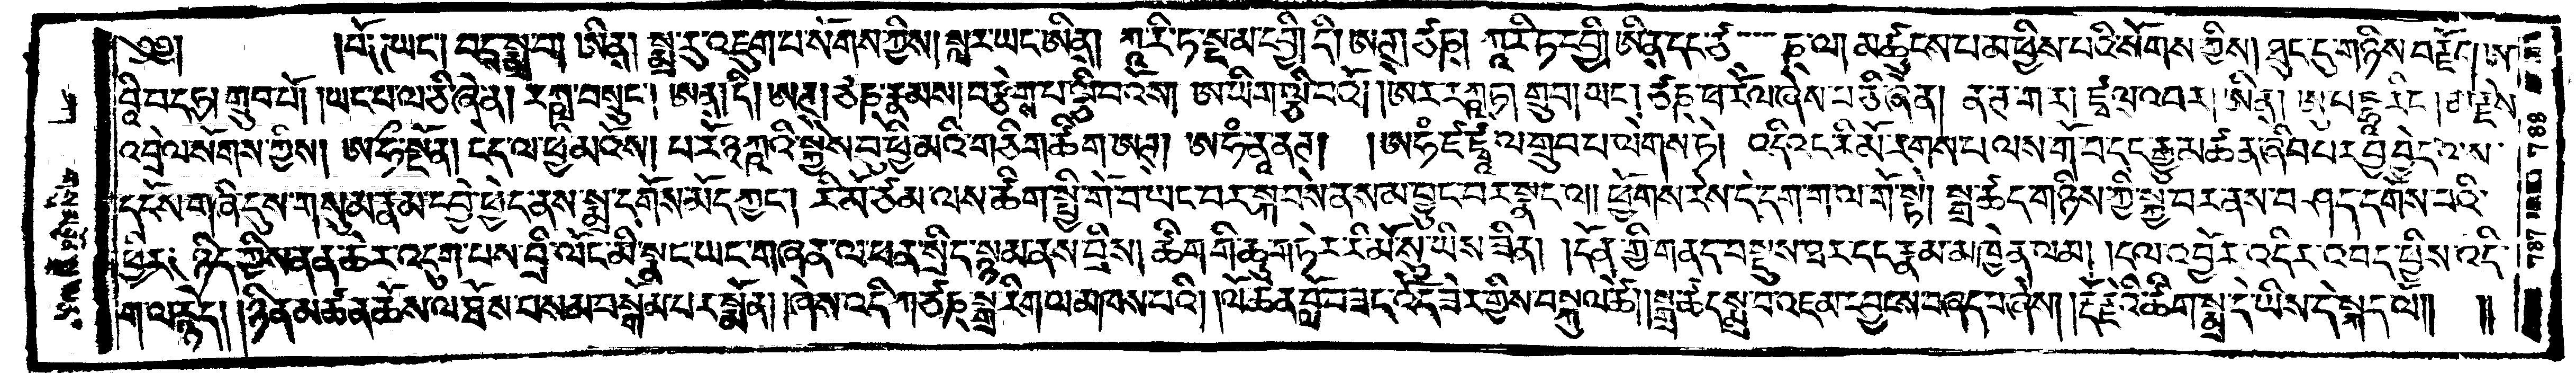༄༅། །བོ། ཡང་། བངས། སྨྲ་བ། ཨིན། སྨྲ་རུ་འཇུག་པ་སོགས་ཀྱིས། སླར་ཡང་ཨིན། ཀཱ་རི་ཏ་སྔ་མ་དབྱི། དི། ཨ་བ། ཙཎ། ཀཱ་རི་ཏ་དབྱི། ཨིན་དང་ཙ་ཎ་ལ། མཚུངས་པ་མ་ཕྱིས་པའི་སོགས་ཀྱིས། ཐུང་དུ་གཉིས་བརྗོད་ཨ་
བཱི་བད་ཏ། གྲུབ་པོ། ཡང་པ་ལ་ཞེ་ན། རཀྵ་བསྕང་། ཨན?། དི། ཨཏ། ཅེཎ་རྣམས། བརྩེགས་པ་ལྕི་བའོས། ཨ་ཡིག་ལྕི་བའོ། ཨེར་རཀྵ་ཏ། གྲུབ། ཡང་། ཙཎ་ཕ་རོལ་ཞེས་པ་ཅི་ཞེན། ན་ཊ་གར། ཛྭ་ལ་འབར། ཨིན། ཨུ་པདྷཱ་རིང་། མ་རྗེས་
འབྲེལ་སོགས་ཀྱིས། ཨ་ཧྲྀ་སྔོན། ངེད་ལ་ཕྱི་མའོས། ཕ་རོ་ཉཀྵའི་སྐྱེས་བུ་ཕྱི་མའི་གཅིག་ཚིག་ཨཊ། ཨ་ཧཾ་ནཱ་ནཊ། ཨ་ཧཾ་ཛ་ཛྭཱ་ལ་གྲུབ་པ་ལེགས་ཏེ། འདིའང་རི་མོ་རགས་པ་ལས་གྲོ་བ་དང་རྒྱུ་མཚན་ཞིབ་པར་བྱ་བྱེད་ལས་
དངོས་གཞི་དུས་གསུམ་རྣམ་དབྱེ་ཕྱེད་ནས་སྨྲ་དགོས་མོད་ཀྱང་། རི་མོ་ཙམ་ལས་ཚིག་སྤྱི་བོ་བ་ཡང་བར་སྐབས་ནས་མ་བྱུང་བར་སྣང་ལ། །ཕྱོགས་རེས་དེ་དག་ག་ལ་གོ་སྟེ། སྒྲ་ཚད་གཉིས་ཀྱི་སྐྱེ་བར་ནས་བཤད་དགོས་པའི་
ཕྱིར། ཉིད་ཀྱིས་ནན་ཆེར་འདུག་པས་བྲི་ལོང་མི་སྣང་ཡང་གཞན་ལ་ཕན་སྲིད་སྙམ་ནས་བྲིས། ཚིག་གི་ཆུ་གཏེར་རི་མོ་སུ་ཡིས་ཟིན། །དོན་གྱི་གནད་བསྡུས་ཐར་དང་རྣམ་མཁྱེན་ལམ། །དལ་འབྱོར་འདིར་འབར་ཕྱིས་འདི་
ག་ལ་རྙེད། །ཉིན་མཚན་ཆོས་ལ་ཐོས་བསམ་བསྒོམ་པར་སྨོན། །ཞེས་འདི་ཀ་ཙཎ་སྒྲ་རིག་ལ་མཁས་པའི། །ལོ་ཆེན་བློ་བཟང་འོད་ཟེར་གྱིས་བསྐུལ་ཚེ། །སྒྲ་ཚང་སྨྲ་བ་འཇམ་དབྱངས་བཤད་པ་ཞེས། །རྡོ་རྗེའི་ཚིག་སྨྲ་དེ་ཡིས་དེ་སྐད་ལོ།། །།